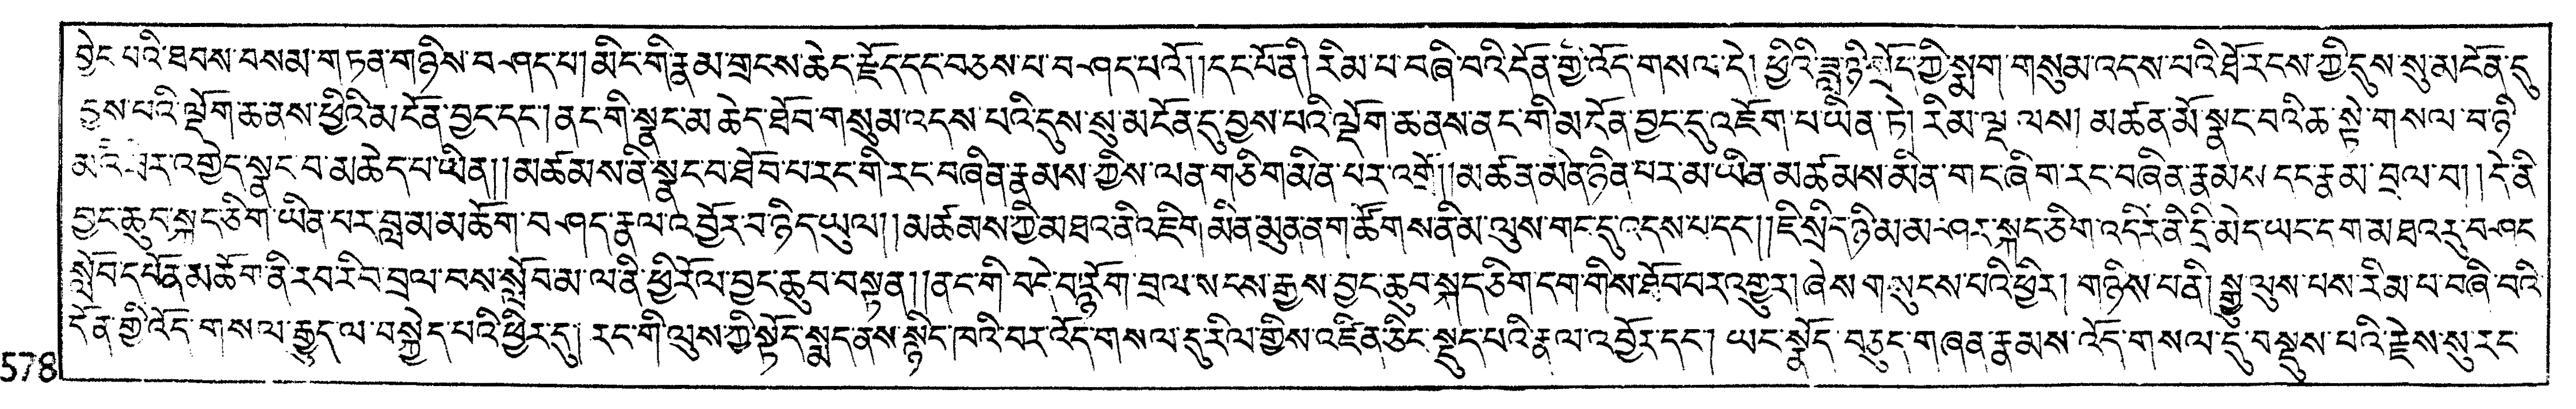བྱེད་པའི་ཐབས་བསམ་གཏན་གཉིས་བཤད་པ། མིང་གི་རྣམ་གྲངས་ཆེད་རྗོད་དང་བཅས་པ་བཤད་པའོ། །དང་པོ་ནི། རིམ་པ་བཞི་བའི་དོན་གྱི་འོད་གསལ་དེ། ཕྱིའི་ཟླ་ཉི་སྲོད་ཀྱི་སྨག་གསུམ་འདས་པའི་ཐོ་རངས་ཀྱི་དུས་སུ་མངོན་དུ་
བྱས་པའི་ལྡོག་ཆ་ནས་ཕྱིའི་མངོན་བྱང་དང་། ནང་གི་སྣང་མཆེད་ཐོབ་གསུམ་འདས་པའི་དུས་སུ་མངོན་དུ་བྱས་པའི་ལྡོག་ཆ་ནས་ནང་གི་མངོན་བྱང་དུ་འཇོག་པ་ཡིན་ཏེ། རིམ་ལྔ་ལས། མཚན་མོ་སྣང་བའི་ཆ་སྟེ་གསལ་བ་ཉི་
མའི་ཟེར་འགྱེད་སྣང་བ་མཆེད་པ་ཡིན། །མཚམས་ནི་སྣང་བ་ཐོབ་པ་རང་གི་རང་བཞིན་རྣམས་ཀྱིས་ལན་གཅིག་མིན་པར་འགྲོ། །མཚན་མིན་ཉིན་པར་མ་ཡིན་མཚམས་མིན་གང་ཞིག་རང་བཞིན་རྣམས་དང་རྣམ་བྲལ་བ། །དེ་ནི་
བྱང་ཆུབ་སྐད་ཅིག་ཡིན་པར་བླ་མ་མཆོག་བཤད་རྣལ་འབྱོར་བ་ཉིད་ཡུལ། །མཚམས་ཀྱི་མཐའ་ནི་འཇིག་མིན་མུན་ནག་ཚོགས་ནི་མ་ལུས་གང་དུ་འདས་པ་དང་། །ཇི་སྲིད་ཉི་མ་མ་ཤར་སྐད་ཅིག་འདིར་ནི་དྲི་མེད་ཡང་དག་མཐའ་རུ་བཤད་
སློབ་དཔོན་མཆོག་ནི་རབ་རིབ་བྲལ་བས་སློབ་མ་ལ་ནི་ཕྱི་རོལ་བྱང་ཆུབ་བསྟན། །ནང་གི་བདེ་བ་རྙོག་བྲལ་སངས་རྒྱས་བྱང་ཆུབ་སྐད་ཅིག་དག་གིས་ཐོབ་པར་འགྱུར། ཞེས་གསུངས་པའི་ཕྱིར། གཉིས་པ་ནི། སྒྱུ་ལུས་པས་རིམ་པ་བཞི་བའི་
དོན་གྱི་འོད་གསལ་རྒྱུད་ལ་བསྐྱེད་པའི་ཕྱིར་དུ། རང་གི་ལུས་ཀྱི་སྟོད་སྨད་ནས་སྙིང་ཁའི་བར་འོད་གསལ་དུ་རིལ་གྱིས་འཛིན་ཅིང་སྡུད་པའི་རྣལ་འབྱོར་དང་། ཡང་སྣོད་བཅུད་གཞན་རྣམས་འོད་གསལ་དུ་བསྡུས་པའི་རྗེས་སུ་རང་